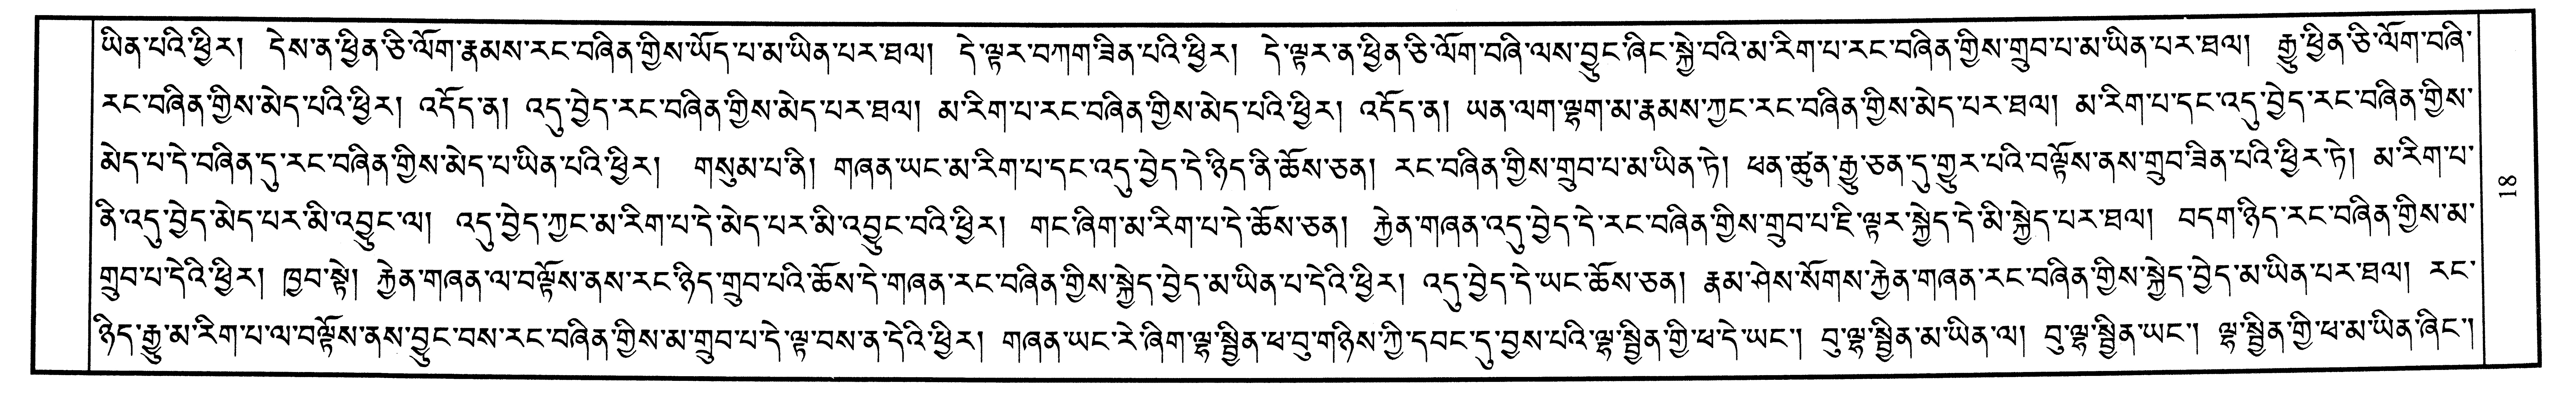ཡིན་པའི་ཕྱིར། དེས་ན་ཕྱིན་ཅི་ལོག་རྣམས་རང་བཞིན་གྱིས་ཡོད་པ་མ་ཡིན་པར་ཐལ། དེ་ལྟར་བཀག་ཟིན་པའི་ཕྱིར། དེ་ལྟར་ན་ཕྱིན་ཅི་ལོག་བཞི་ལས་བྱུང་ཞིང་སྐྱེ་བའི་མ་རིག་པ་རང་བཞིན་གྱིས་གྲུབ་པ་མ་ཡིན་པར་ཐལ། རྒྱུ་ཕྱིན་ཅི་ལོག་བཞི་
རང་བཞིན་གྱིས་མེད་པའི་ཕྱིར། འདོད་ན། འདུ་བྱེད་རང་བཞིན་གྱིས་མེད་པར་ཐལ། མ་རིག་པ་རང་བཞིན་གྱིས་མེད་པའི་ཕྱིར། འདོད་ན། ཡན་ལག་ལྷག་མ་རྣམས་ཀྱང་རང་བཞིན་གྱིས་མེད་པར་ཐལ། མ་རིག་པ་དང་འདུ་བྱེད་རང་བཞིན་གྱིས་
མེད་པ་དེ་བཞིན་དུ་རང་བཞིན་གྱིས་མེད་པ་ཡིན་པའི་ཕྱིར། གསུམ་པ་ནི། གཞན་ཡང་མ་རིག་པ་དང་འདུ་བྱེད་དེ་ཉིད་ནི་ཆོས་ཅན། རང་བཞིན་གྱིས་གྲུབ་པ་མ་ཡིན་ཏེ། ཕན་ཚུན་རྒྱུ་ཅན་དུ་གྱུར་པའི་བལྟོས་ནས་གྲུབ་ཟིན་པའི་ཕྱིར་ཏེ། མ་རིག་པ་
ནི་འདུ་བྱེད་མེད་པར་མི་འབྱུང་ལ། འདུ་བྱེད་ཀྱང་མ་རིག་པ་དེ་མེད་པར་མི་འབྱུང་བའི་ཕྱིར། གང་ཞིག་མ་རིག་པ་དེ་ཆོས་ཅན། རྐྱེན་གཞན་འདུ་བྱེད་དེ་རང་བཞིན་གྱིས་གྲུབ་པ་ཇི་ལྟར་སྐྱེད་དེ་མི་སྐྱེད་པར་ཐལ། བདག་ཉིད་རང་བཞིན་གྱིས་མ་
གྲུབ་པ་དེའི་ཕྱིར། ཁྱབ་སྟེ། རྐྱེན་གཞན་ལ་བལྟོས་ནས་རང་ཉིད་གྲུབ་པའི་ཆོས་དེ་གཞན་རང་བཞིན་གྱིས་སྐྱེད་བྱེད་མ་ཡིན་པ་དེའི་ཕྱིར། འདུ་བྱེད་དེ་ཡང་ཆོས་ཅན། རྣམ་ཤེས་སོགས་རྐྱེན་གཞན་རང་བཞིན་གྱིས་སྐྱེད་བྱེད་མ་ཡིན་པར་ཐལ། རང་
ཉིད་རྒྱུ་མ་རིག་པ་ལ་བལྟོས་ནས་བྱུང་བས་རང་བཞིན་གྱིས་མ་གྲུབ་པ་དེ་ལྟ་བས་ན་དེའི་ཕྱིར། གཞན་ཡང་རེ་ཞིག་ལྷ་སྦྱིན་ཕ་བུ་གཉིས་ཀྱི་དབང་དུ་བྱས་པའི་ལྷ་སྦྱིན་གྱི་ཕ་དེ་ཡང་། བུ་ལྷ་སྦྱིན་མ་ཡིན་ལ། བུ་ལྷ་སྦྱིན་ཡང་། ལྷ་སྦྱིན་གྱི་ཕ་མ་ཡིན་ཞིང་།